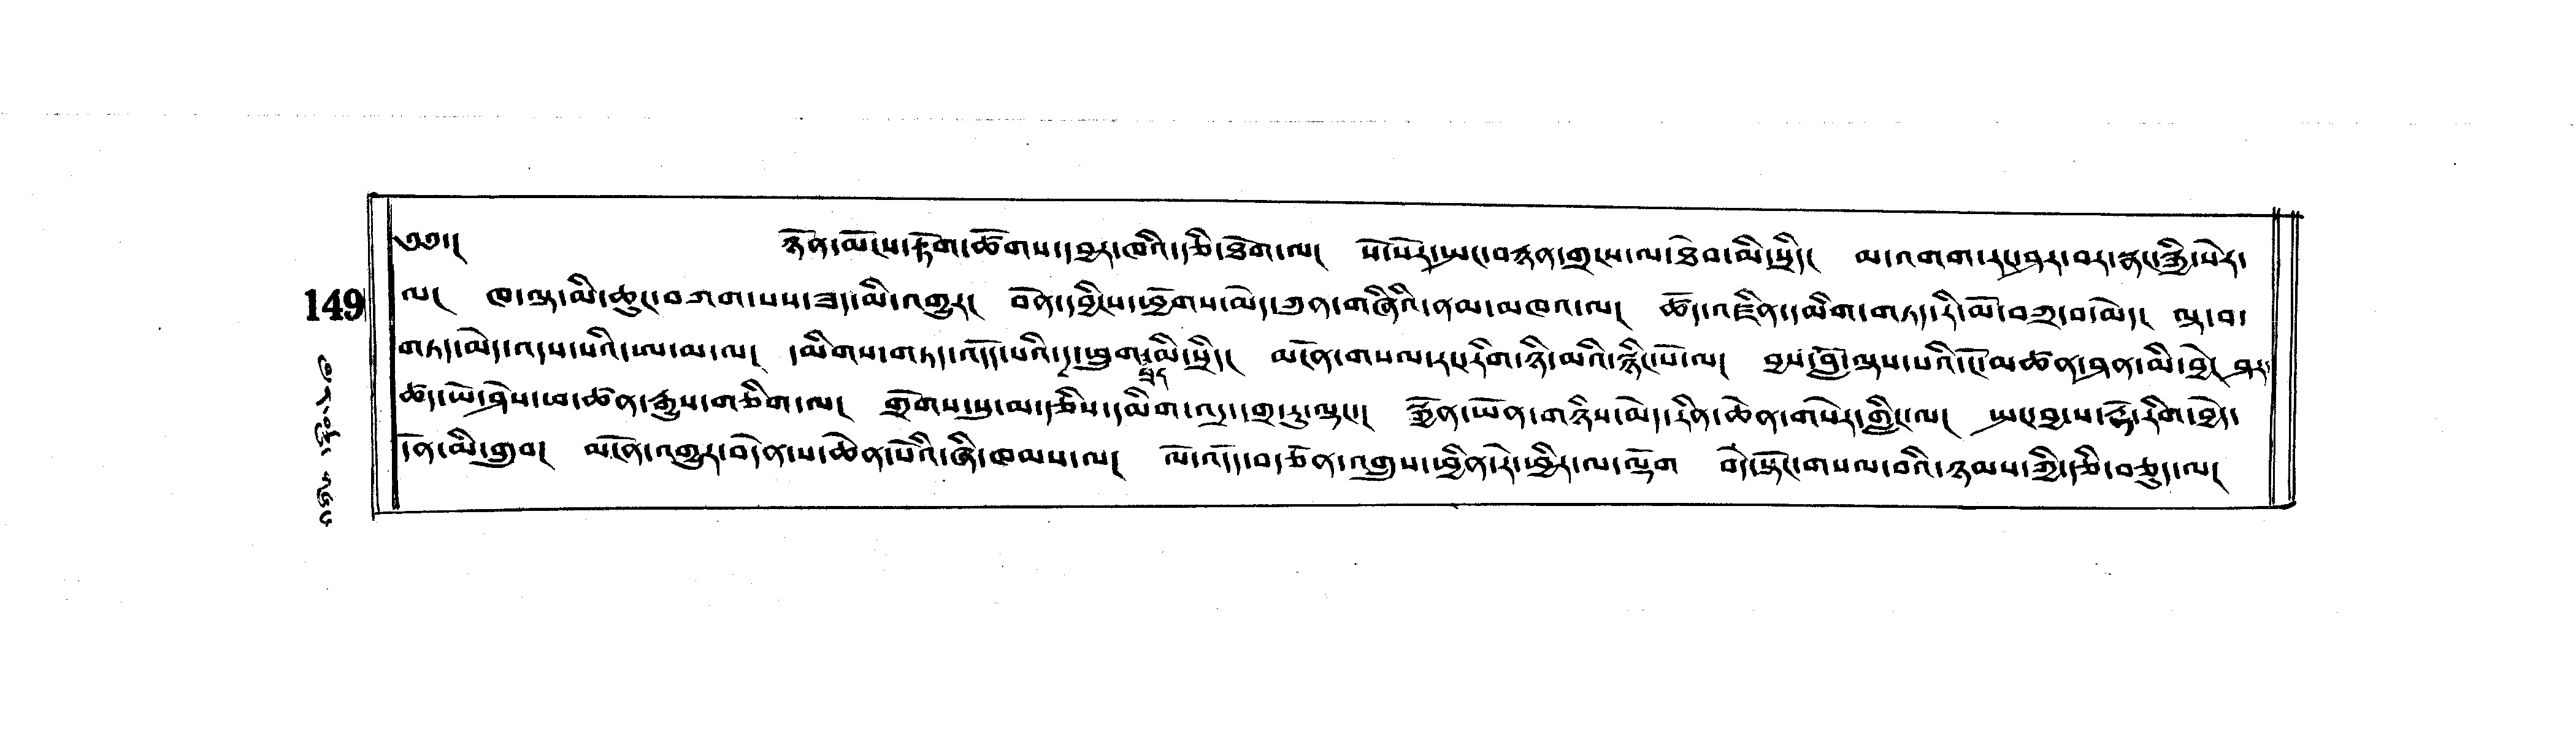ཉོན་མོངས་རྟོག་ཚོགས་དབྱར་ཁའི་རྩི་ཐོག་ལ། སོ་སོར་སྤང་གཉེན་གྲངས་ལ་ཐེབས་མི་སྲིད། མ་འགག་རང་ཤར་བར་སྣང་སྐྱི་སེར་
ལ། ཁ་ལྟ་མི་ཆུང་བཀག་པས་ཟད་མི་འགྱུར། བོན་དབྱིངས་ཕྱོགས་མེད་ཀུན་གཞིའི་ནམ་མཁའ་ལ། ཚོད་འཛིན་དམིགས་གཏད་རི་མོ་བཀྲ་བ་མེད། ལྟ་བ་
གཏད་མེད་འདས་པའི་ཨ་མ་ལ། དམིགས་གཏད་འདོད་པའི་དྭ་ཕྲུག་འཕྲད་མི་སྲིད། མངོན་གསལ་རང་རིག་ཉི་མའི་སྙིང་པོ་ལ། བྱས་བློ་བརྟན་པའི་ངོ་མཚན་ཤན་མི་ཕྱེ།ཤར་
ཚད་ཡེ་ཤེས་ཕ་ཚན་རྒྱུས་གཅིག་ལ། གྲོགས་སུ་མ་བརྩིས་དམིགས་འདྲ་དགྲ་རུ་ལྡང་། སྐྱོན་ཡོན་གཉིས་མེད་རིན་ཆེན་གསེར་གླིང་ལ། སྤང་བྱ་ས་རྡོ་རིག་བྱེད་
དོན་མི་འགྲུབ། མངོན་གྱུར་བདེན་པ་ཆེན་པོའི་ཞིང་ཁམས་ལ། ལོ་འདོད་བརྩོན་འགྲུས་ཕྱིན་རེ་ཕྱིར་ལ་ལྡོག བདེ་སྟོང་གསལ་བའི་ཉམས་ཀྱི་རྩི་བཅུད་ལ།